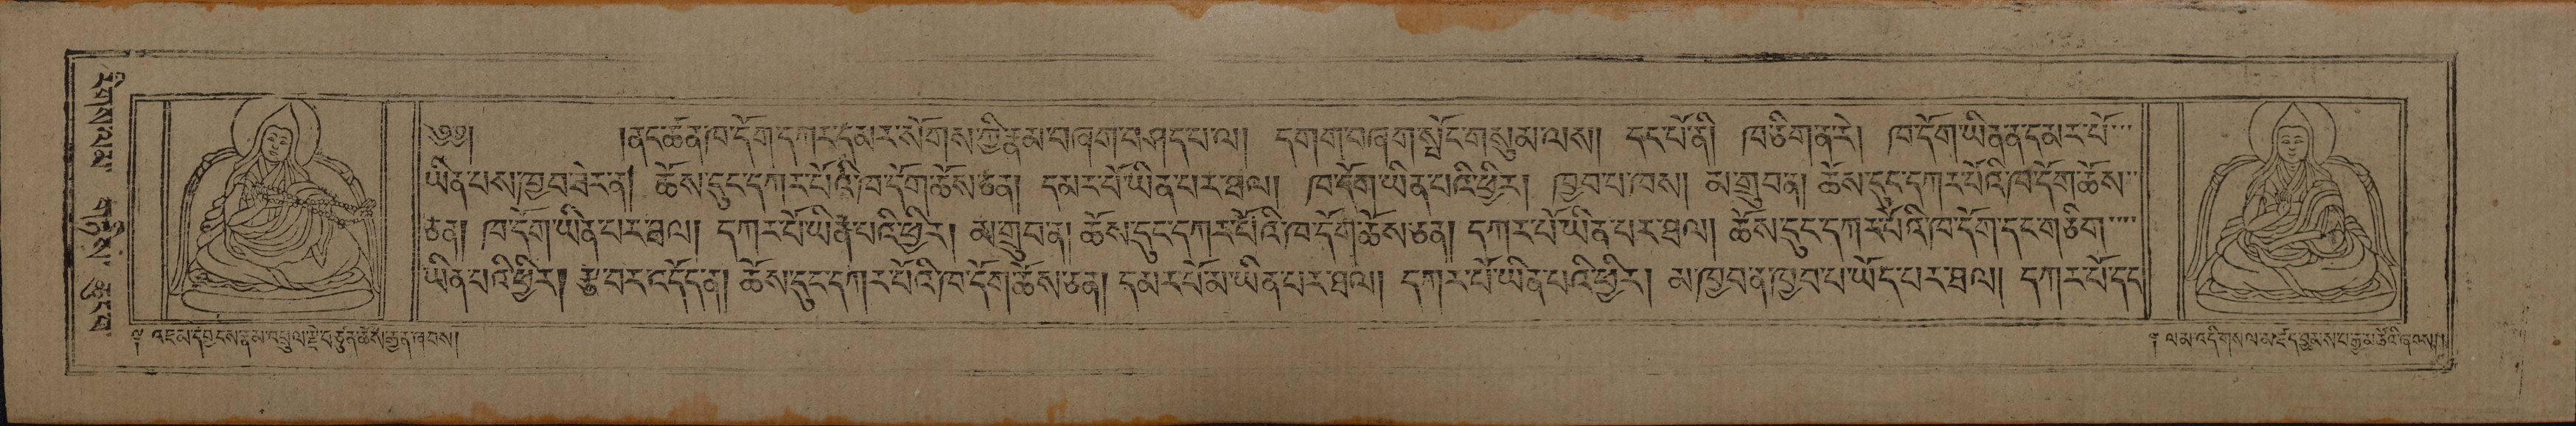༄༅། །ནང་ཚན་ཁ་དོག་དཀར་དམར་སོགས་ཀྱི་རྣམ་བཞག་བཤད་པ་ལ། དགག་བཞག་སྤོང་གསུམ་ལས། དང་པོ་ནི། ཁ་ཅིག་ན་རེ། ཁ་དོག་ཡིན་ན་དམར་པོ་
ཡིན་པས་ཁྱབ་ཟེར་ན། ཆོས་དུང་དཀར་པོའི་ཁ་དོག་ཆོས་ཅན། དམར་པོ་ཡིན་པར་ཐལ། ཁ་དོག་ཡིན་པའི་ཕྱིར། ཁྱབ་པ་ཁས། མ་གྲུབ་ན། ཆོས་དུང་དཀར་པོའི་ཁ་དོག་ཆོས་
ཅན། ཁ་དོག་ཡིན་པར་ཐལ། དཀར་པོ་ཡིན་པའི་ཕྱིར། མ་གྲུབ་ན། ཆོས་དུང་དཀར་པོའི་ཁ་དོག་ཆོས་ཅན། དཀར་པོ་ཡིན་པར་ཐལ། ཆོས་དུང་དཀར་པོའི་ཁ་དོག་དང་གཅིག་
ཡིན་པའི་ཕྱིར། རྩ་བར་འདོད་ན། ཆོས་དུང་དཀར་པོའི་ཁ་དོག་ཆོས་ཅན། དམར་པོ་མ་ཡིན་པར་ཐལ། དཀར་པོ་ཡིན་པའི་ཕྱིར། མ་ཁྱབ་ན་ཁྱབ་པ་ཡོད་པར་ཐལ། དཀར་པོ་དང་